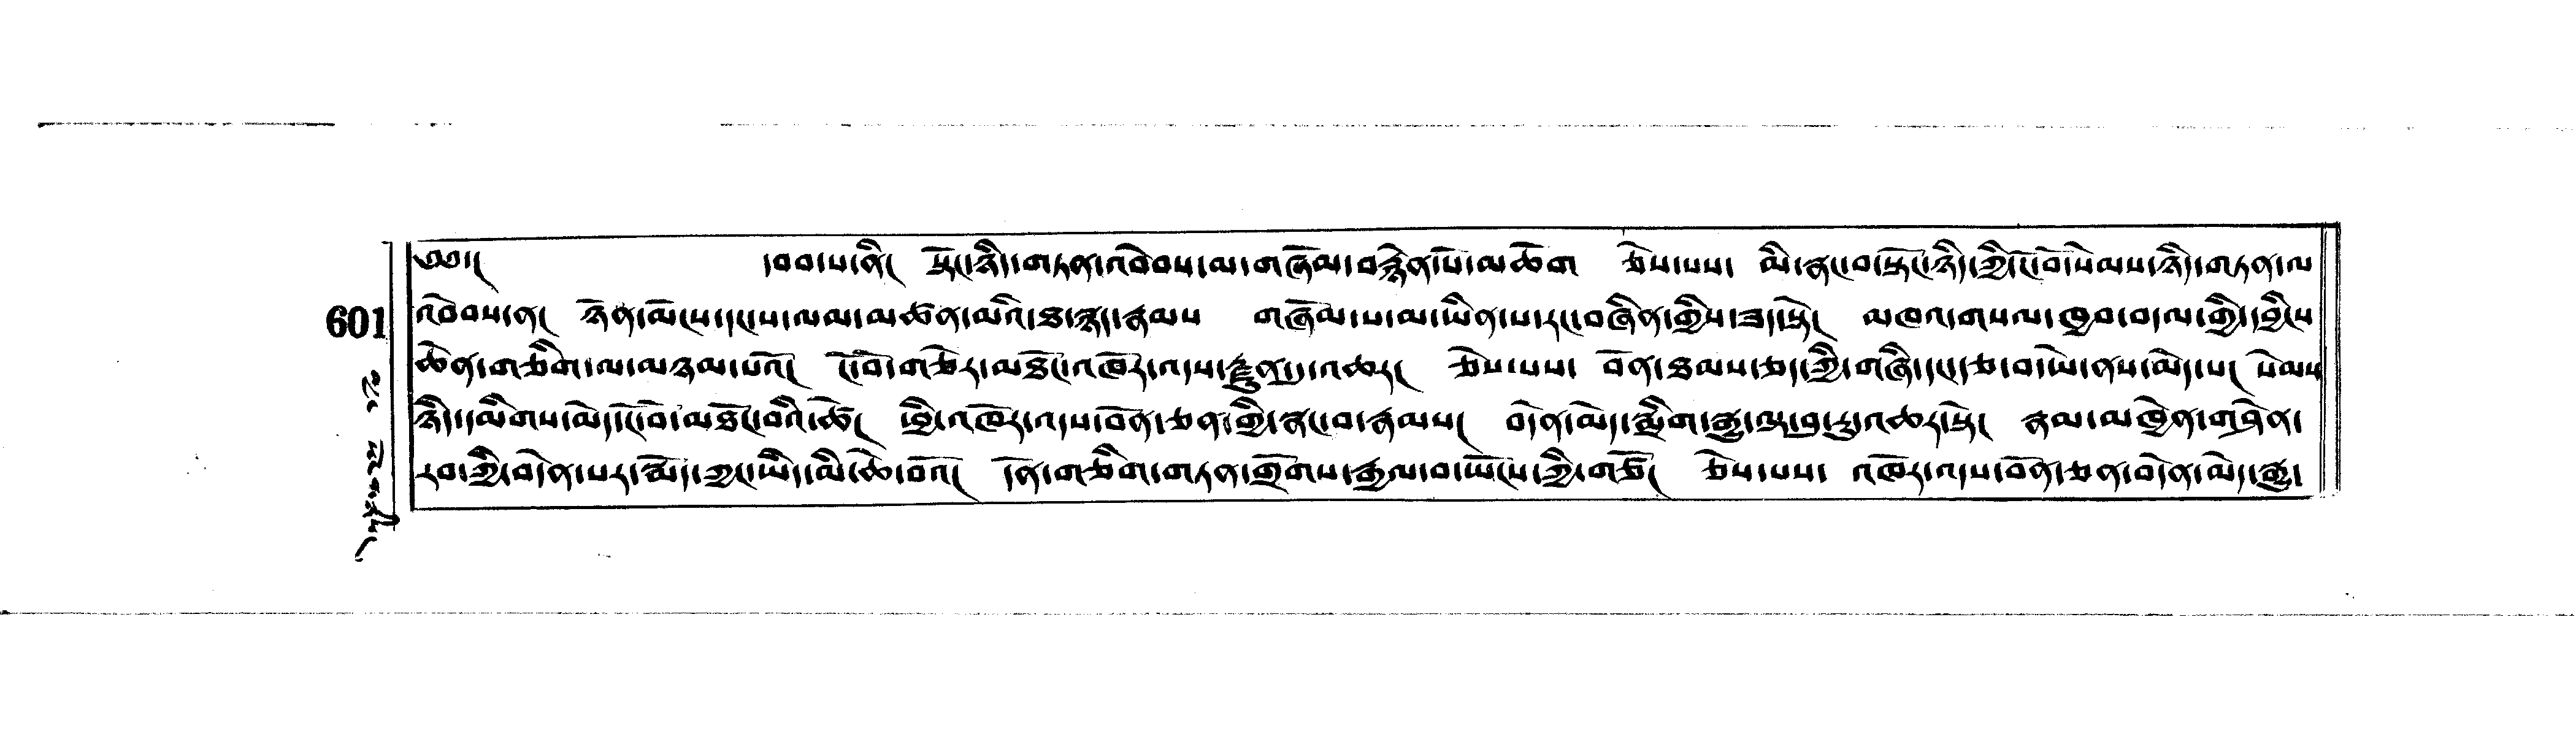དབབ་པ་ནི། སྟོང་ཉིད་གཏན་འབེབས་མ་གཞོམ་གཉེན་པོ་མཆོག ཅེས་པས། མི་སྣང་བ་སྟོང་ཉིད་ཀྱི་ངོ་བོ་སེམས་ཉིད་གཏན་ལ་
འབེབས་པ་ན། ཉོན་མོངས་དང་ས་ལམ་མཚན་མའི་ཐ་སྙད་རྣམས། གཞོམ་པ་མ་ཡིན་པ་རང་བཞིན་གྱིས་ཟད་དེ། མཁའ་གསལ་ཁྱབ་བདལ་གྱི་དབྱིངས་
ཆེན་གཅིག་ལ་མཉམ་པའོ། ངོ་བོ་གཅེར་མཐོང་འཁོར་འདས་རྫུན་དུ་འཆར། ཅེས་པས། བོན་ཐམས་ཅད་ཀྱི་གཞི་དང་རྩ་བ་ཡེ་ནས་མེད་པ། སེམས་
ཉིད་དམིགས་མེད་ངོ་བོ་མཐོང་བའི་ཚེ། ཕྱི་འཁོར་འདས་བོན་ཅན་གྱི་སྣང་བ་རྣམས། བདེན་མེད་སྨྲིག་སྒྱུ་ལྟ་བུ་རུ་འཆར་སྟེ། རྣམ་མཁྱེན་གཤེན་
རབ་ཀྱི་བདེན་པར་སྨོད་ཀྱང་ཡིད་མི་ཆེས་པའོ། དོན་གཅིག་གཏན་གྲོགས་རྒྱལ་བ་ཡོངས་ཀྱི་གཙོ། ཅེས་པས། འཁོར་འདས་བོན་ཅན་བདེན་མེད་སྒྱུ་